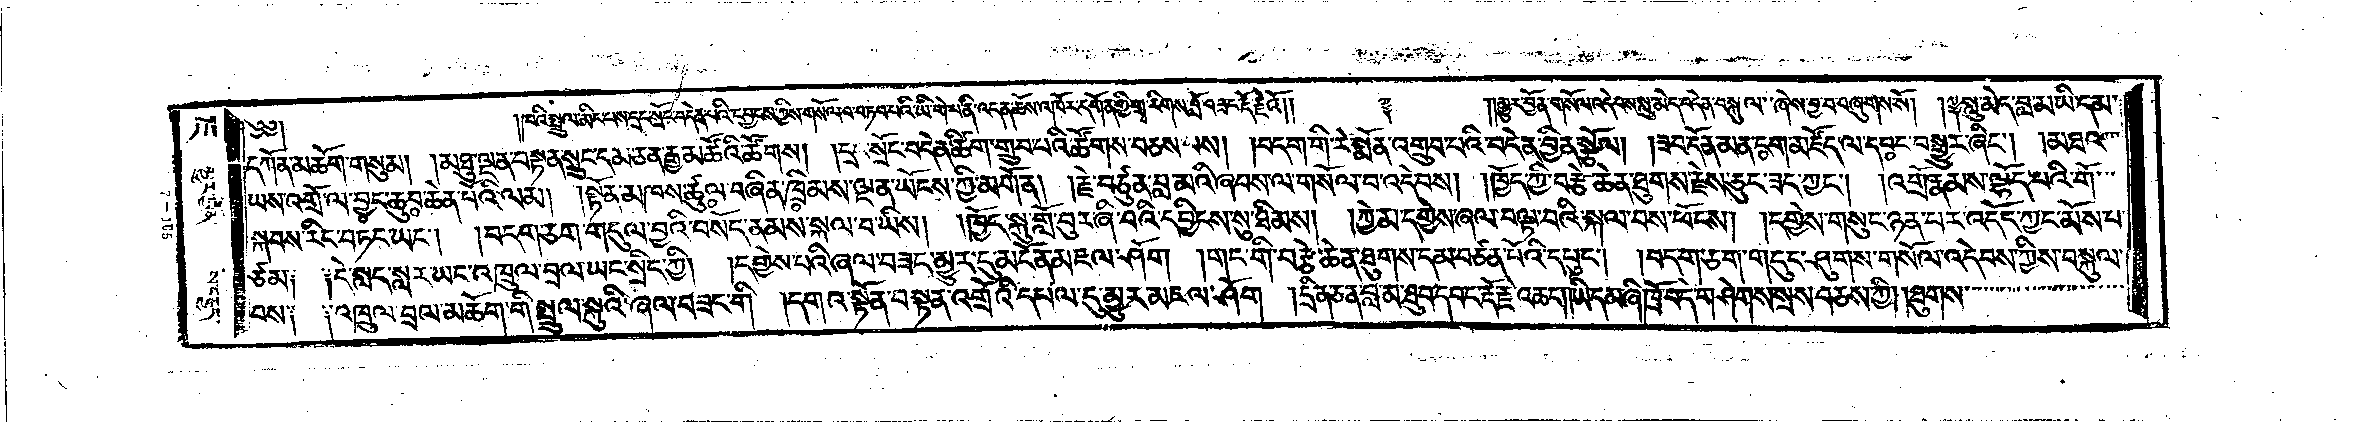༄༅། །བའི་སྤྲུལ་མིང་པས་དྲང་སྲོང་བདེན་པའི་དབྱངས་ཀྱིས་གསོལ་བ་བཏབ་པའི་ཡི་གེ་བ་ནི་འདན་ཆོས་འཁོར་དགོན་གྱི་གྲྭ་རིགས་བློ་བཟང་རྡོ་རྗེའོ།། ༈ །།མྱུར་བྱོན་གསོལ་འདེབས་སྤུ་མེད་བདེན་བསྐུལ་ཞེས་བྱ་བ་བཞུགས་སོ། །༈ སྐྲུ་མེད་བླ་མ་མི་དམ་
དཀོན་མཆོག་གསུམ། །མཐུ་ལྡན་བསྟན་སྲུང་དམ་ཅན་རྒྱ་མཚོའི་ཚོགས། །དྲང་སྲོང་བདེན་ཚིག་གྲུབ་པའི་ཚོགས་བཅས་པས། །བདག་གི་རེ་སྨོན་འགྲུབ་པའི་བདེན་བྱིན་སྩོལ། །ཟབ་དོན་མན་ངག྾་མཛོད་ལ་དབང྾་བསྒྱུར་ཞིང་། །མཐའ་
ཡས་འགྲོ་ལ་ཞུང་ཆུབ་ལྷ་ཆེན་པོའི་ལམ། །སྟོན་མཁས་ཚུལ་བཞིན་ཁྲིམས྾་ལྡན་ཡོངས་ཀྱི་མགོན། །རྗེ་བཙུན་བླ་མའི་ཞབས་ལ་གསོལ་བ་འདེབས། །ཁྱོད་ཀྱི་བརྩེ་ཆེན་ཐུགས་རྗེས་ཅུང་ཟད་ཀྱང་། །འགྲོ་རྣམས་ལྷོད་པའི་གོ་
སྐབས་རིང་བཏང་ཡང་། །བདག་ཅག་གདུལ་བྱའི་བསོད་ནམས་སྐལ་བ་ཡིས། །ཁྱོད་སྐུ་གློ་བུར་ཞི་བའི་དབྱིངས་སུ་ཐིམས། །ཀྱེ་མ་དགྱེས་ཞལ་བལྟ་བའི་སྐལ་བས་ཕོངས། །དགྱེས་གསུང་ཉན་པར་འདོད་ཀྱང་མོས་པ་
ཙམ༑ ༑དེ་སླད་སླར་ཡང་འཁྲུལ་བྲལ་ཡང་སྲིད་ཀྱི། །དགྱེས་པའི་ཞལ་བཟང་མྱུར་དུ་མངོན་མཇལ་ཤོག །གང་གི་བརྩེ་ཆེན་ཐུགས་དམ་བཙན་པོའི་དཔུང་། །བདག་ཅག་གདུང་ཤུགས་གསོལ་འདེབས་ཀྱིས་བསྐུལ་
བས༑ ༑འཁྲུལ་བྲལ་མཆོག་གི་སྤྲུལ་སྐུའི་ཞལ་བཟང་གི །དགའ་སྟོན་བསྟན་འགྲོའི་དཔལ་དུ་མྱུར་མཇལ་ཤོག །དྲིན་ཅན་བླ་མ་ཐུབ་དབང་རྡོ་རྗེ་འཆང་། །ཡི་དམ་ཞི་ཁྲོ་བདེ་གཤེགས་སྲས་བཅས་ཀྱི། །ཐུགས་